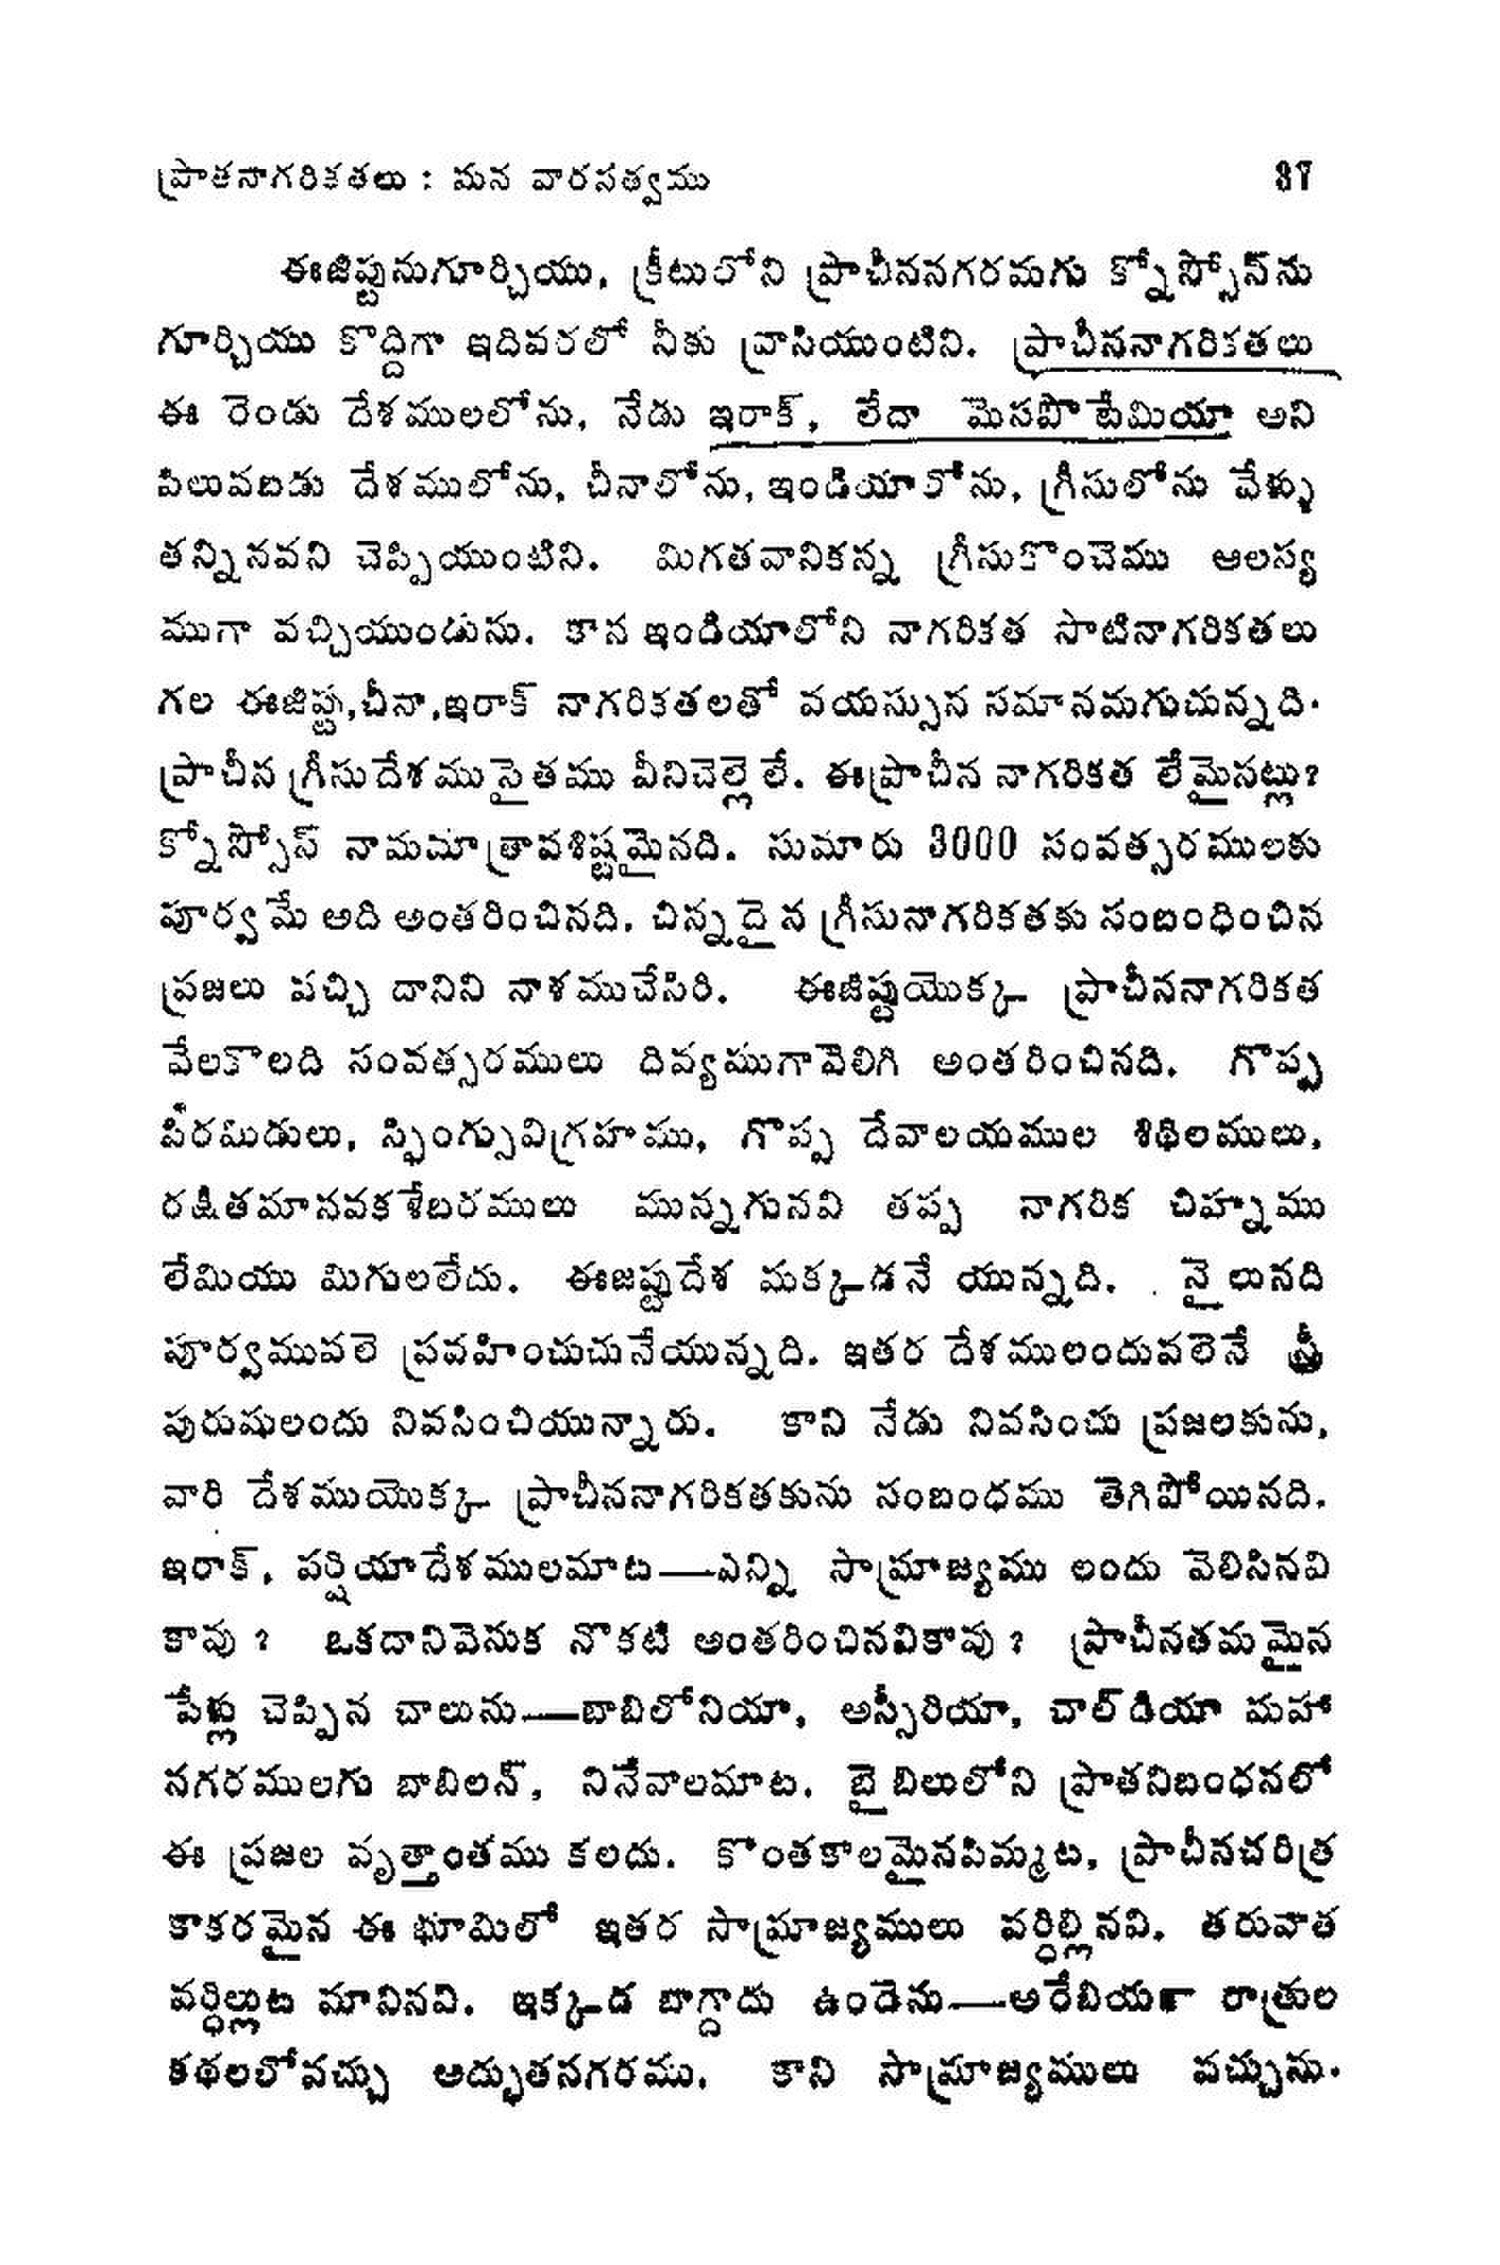ఈజిప్టునుగూర్చియు, క్రీటులోని ప్రాచీననగరమగు క్నోస్సోస్‌ను గూర్చియు కొద్దిగా ఇదివరలో నీకు వ్రాసియుంటిని. ప్రాచీన నాగరికతలు ఈ రెండు దేశములలోను, నేడు ఇరాక్ , లేదా మెసపొటేమియా అని పిలువబడు దేశములోను, చీనాలోను, ఇండియాలోను, గ్రీసులోను వేళ్ళు తన్నినవని చెప్పియుంటిని. మిగతవానికన్న గ్రీసుకొంచెము ఆలస్యముగా వచ్చియుండును. కాన ఇండియాలోని నాగరికత సాటినాగరికతలు గల ఈజిప్టు, చీనా, ఇరాక్ నాగరికతలతో వయస్సున సమానమగుచున్నది. ప్రాచీన గ్రీసుదేశముసైతము వీనిచెల్లెలే. ఈ ప్రాచీన నాగరికత లేమైనట్లు ? క్నోస్సోస్ నామమాత్రావశిష్టమైనది. సుమారు 3000 సంవత్సరములకు పూర్వమే అది అంతరించినది. చిన్నదైన గ్రీసునాగరికతకు సంబంధించిన ప్రజలు వచ్చి దానిని నాశముచేసిరి. ఈజిష్టయొక్క ప్రాచీననాగరికత వేలకొలది సంవత్సరములు దివ్యముగావెలిగి అంతరించినది. గొప్ప పిరమిడులు, స్పింగ్సువిగ్రహము, గొప్ప దేవాలయముల శిథిలములు, రక్షితమానవకళేబరములు మున్నగునవి తప్ప నాగరిక చిహ్నము లేమియు మిగులలేదు. ఈజప్టుదేశ మక్కడనే యున్నది. . నైలునది పూర్వమువలె ప్రవహించుచునే యున్నది. ఇతర దేశములందువలెనే స్త్రీ పురుషులందు నివసించియున్నారు. కాని నేడు నివసించు ప్రజలకును, వారి దేశముయొక్క ప్రాచీననాగరికతకును సంబంధము తెగిపోయినది, ఇరాక్, పర్షియాదేశములమాట — ఎన్ని సామ్రాజ్యము లందు వెలిసినవి కావు? ఒకదానివెనుక నొకటి అంతరించినవికావు . ప్రాచీనతమమైన పేళ్లు చెప్పిన చాలును - బాబిలోనియా, అస్సీరియా, చాల్ డియా మహానగరములగు బాబిలన్ , నినేవాలమాట. బై బిలులోని ప్రాతనిబంధనలో ఈ ప్రజల వృత్తాంతము కలదు. కొంతకాలమైనపిమ్మట, ప్రాచీనచరిత్ర కాకరమైన ఈ భూమిలో ఇతర సామ్రాజ్యములు వర్ధిల్లినవి. తరువాత వర్ధిల్లుట మానినవి. ఇక్కడ బాగ్దాదు ఉండెను. — అరేబియన్ రాత్రుల కథలలోవచ్చు అద్భుతనగరము. కాని సామ్రాజ్యములు వచ్చును.